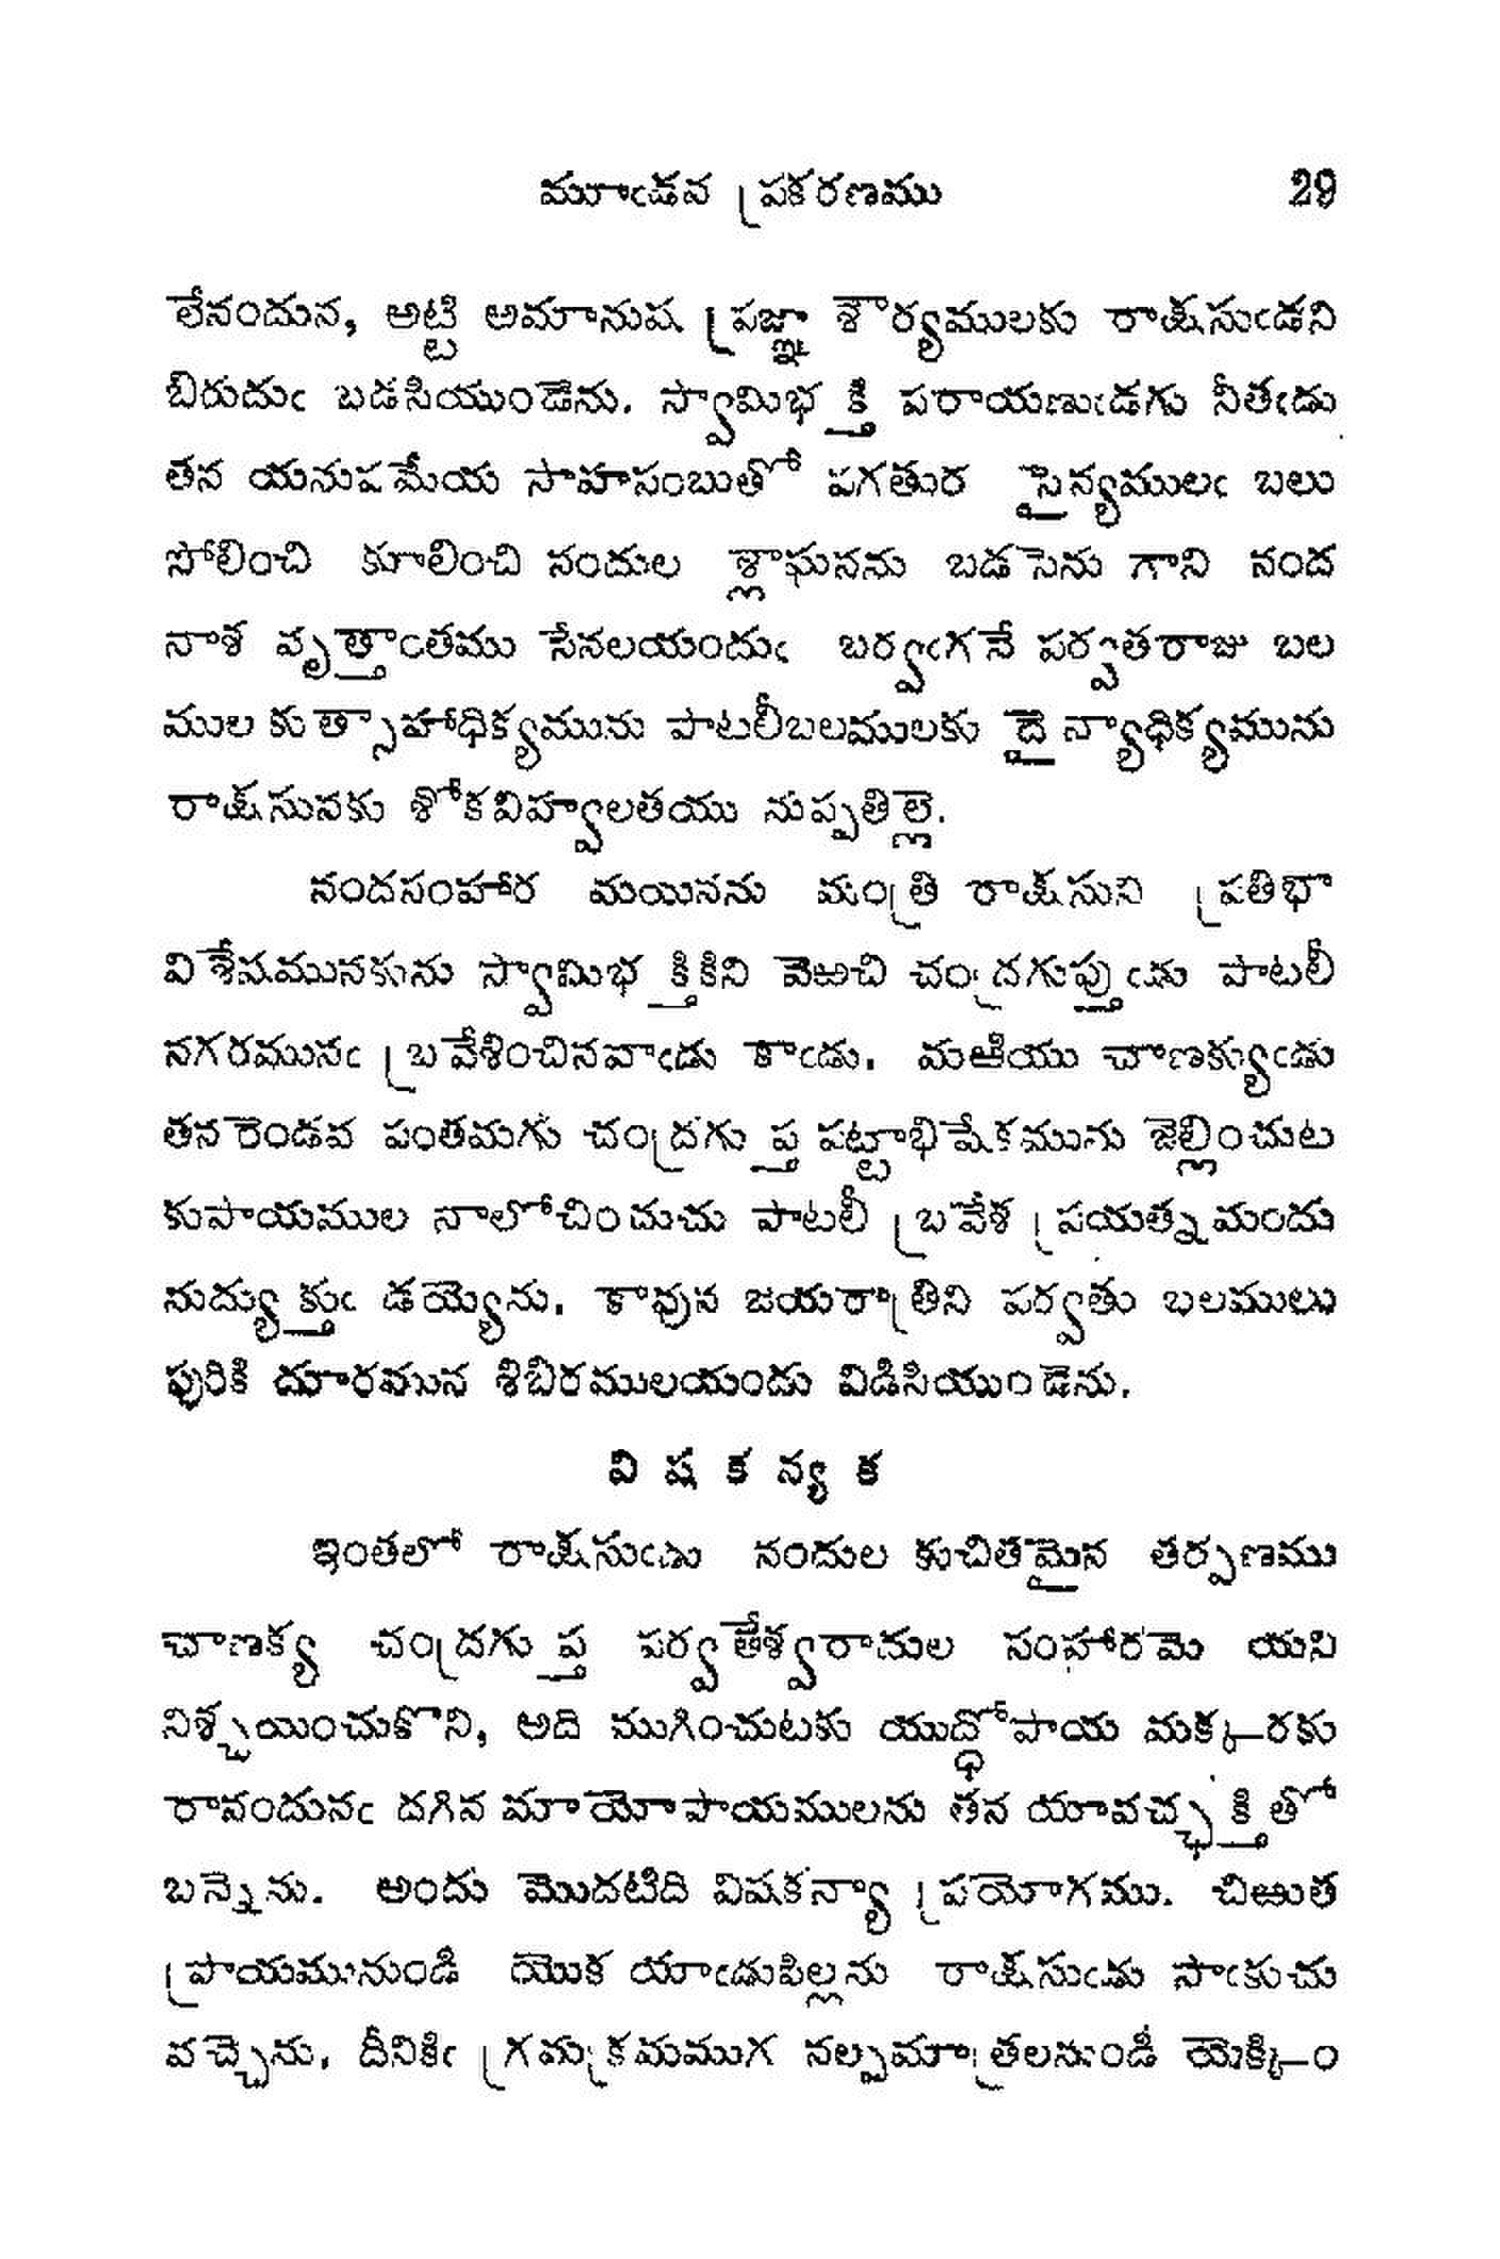లేనందున, అట్టి అమానుష ప్రజ్ఞా శౌర్యములకు రాక్షసుఁడని బిరుదుఁ బడసియుండెను. స్వామిభక్తి పరాయణుఁడగు నీతఁడు తన యనుపమేయ సాహసంబుతో పగతురు సైన్యములఁ బలు సోలించి కూలించి నందుల శ్లాఘనను బడసెను గాని నంద నాశ, వృత్తాంతము సేనలయందుఁ బర్వఁగనే పర్వతరాజు బలముల కుత్సాహాధిక్యమును పాటలీబలములకు దైన్యాధిక్యమును రాక్షసునకు శోకవిహ్వలతయు నుప్పతిల్లె.

నందసంహార మయినను మంత్రి రాక్షసుని ప్రతిభా విశేషమునకును స్వామిభక్తికిని వెఱచి చంద్రగుప్తుఁడు పాటలీ నగరమునఁ బ్రవేశించినవాఁడు కాఁడు. మఱియు చాణక్యుఁడు తన రెండవ పంతమగు చంద్రగుప్త పట్టాభిషేకమును జెల్లించుట కుపాయముల నాలోచించుచు పాటలీ బ్రవేశ ప్రయత్నమందు నుద్యుక్తుఁ డయ్యెను. కావున జయరాత్రిని పర్వతు బలములు పురికి దూరమున శిబిరములయందు విడిసియుండెను.

విష కన్యక

ఇంతలో రాక్షసుఁడు నందుల కుచితమైన తర్పణము చాణక్య చంద్రగుప్త పర్వతేశ్వరాదుల సంహారమె యని నిశ్చయించుకొని, అది ముగించుటకు యుద్ధోపాయ మక్కరకు రానందునఁ దగిన మాయోపాయములను తన యావచ్ఛక్తితో బన్నెను. అందు మొదటిది విషకన్యా ప్రయోగము. చిఱుత ప్రాయమునుండి యొక యాఁడుపిల్లను రాక్షసుఁడు సాఁకుచు వచ్చెను. దీనికిఁ గ్రమక్రమముగ నల్పమాత్రలనుండి యెక్కిం